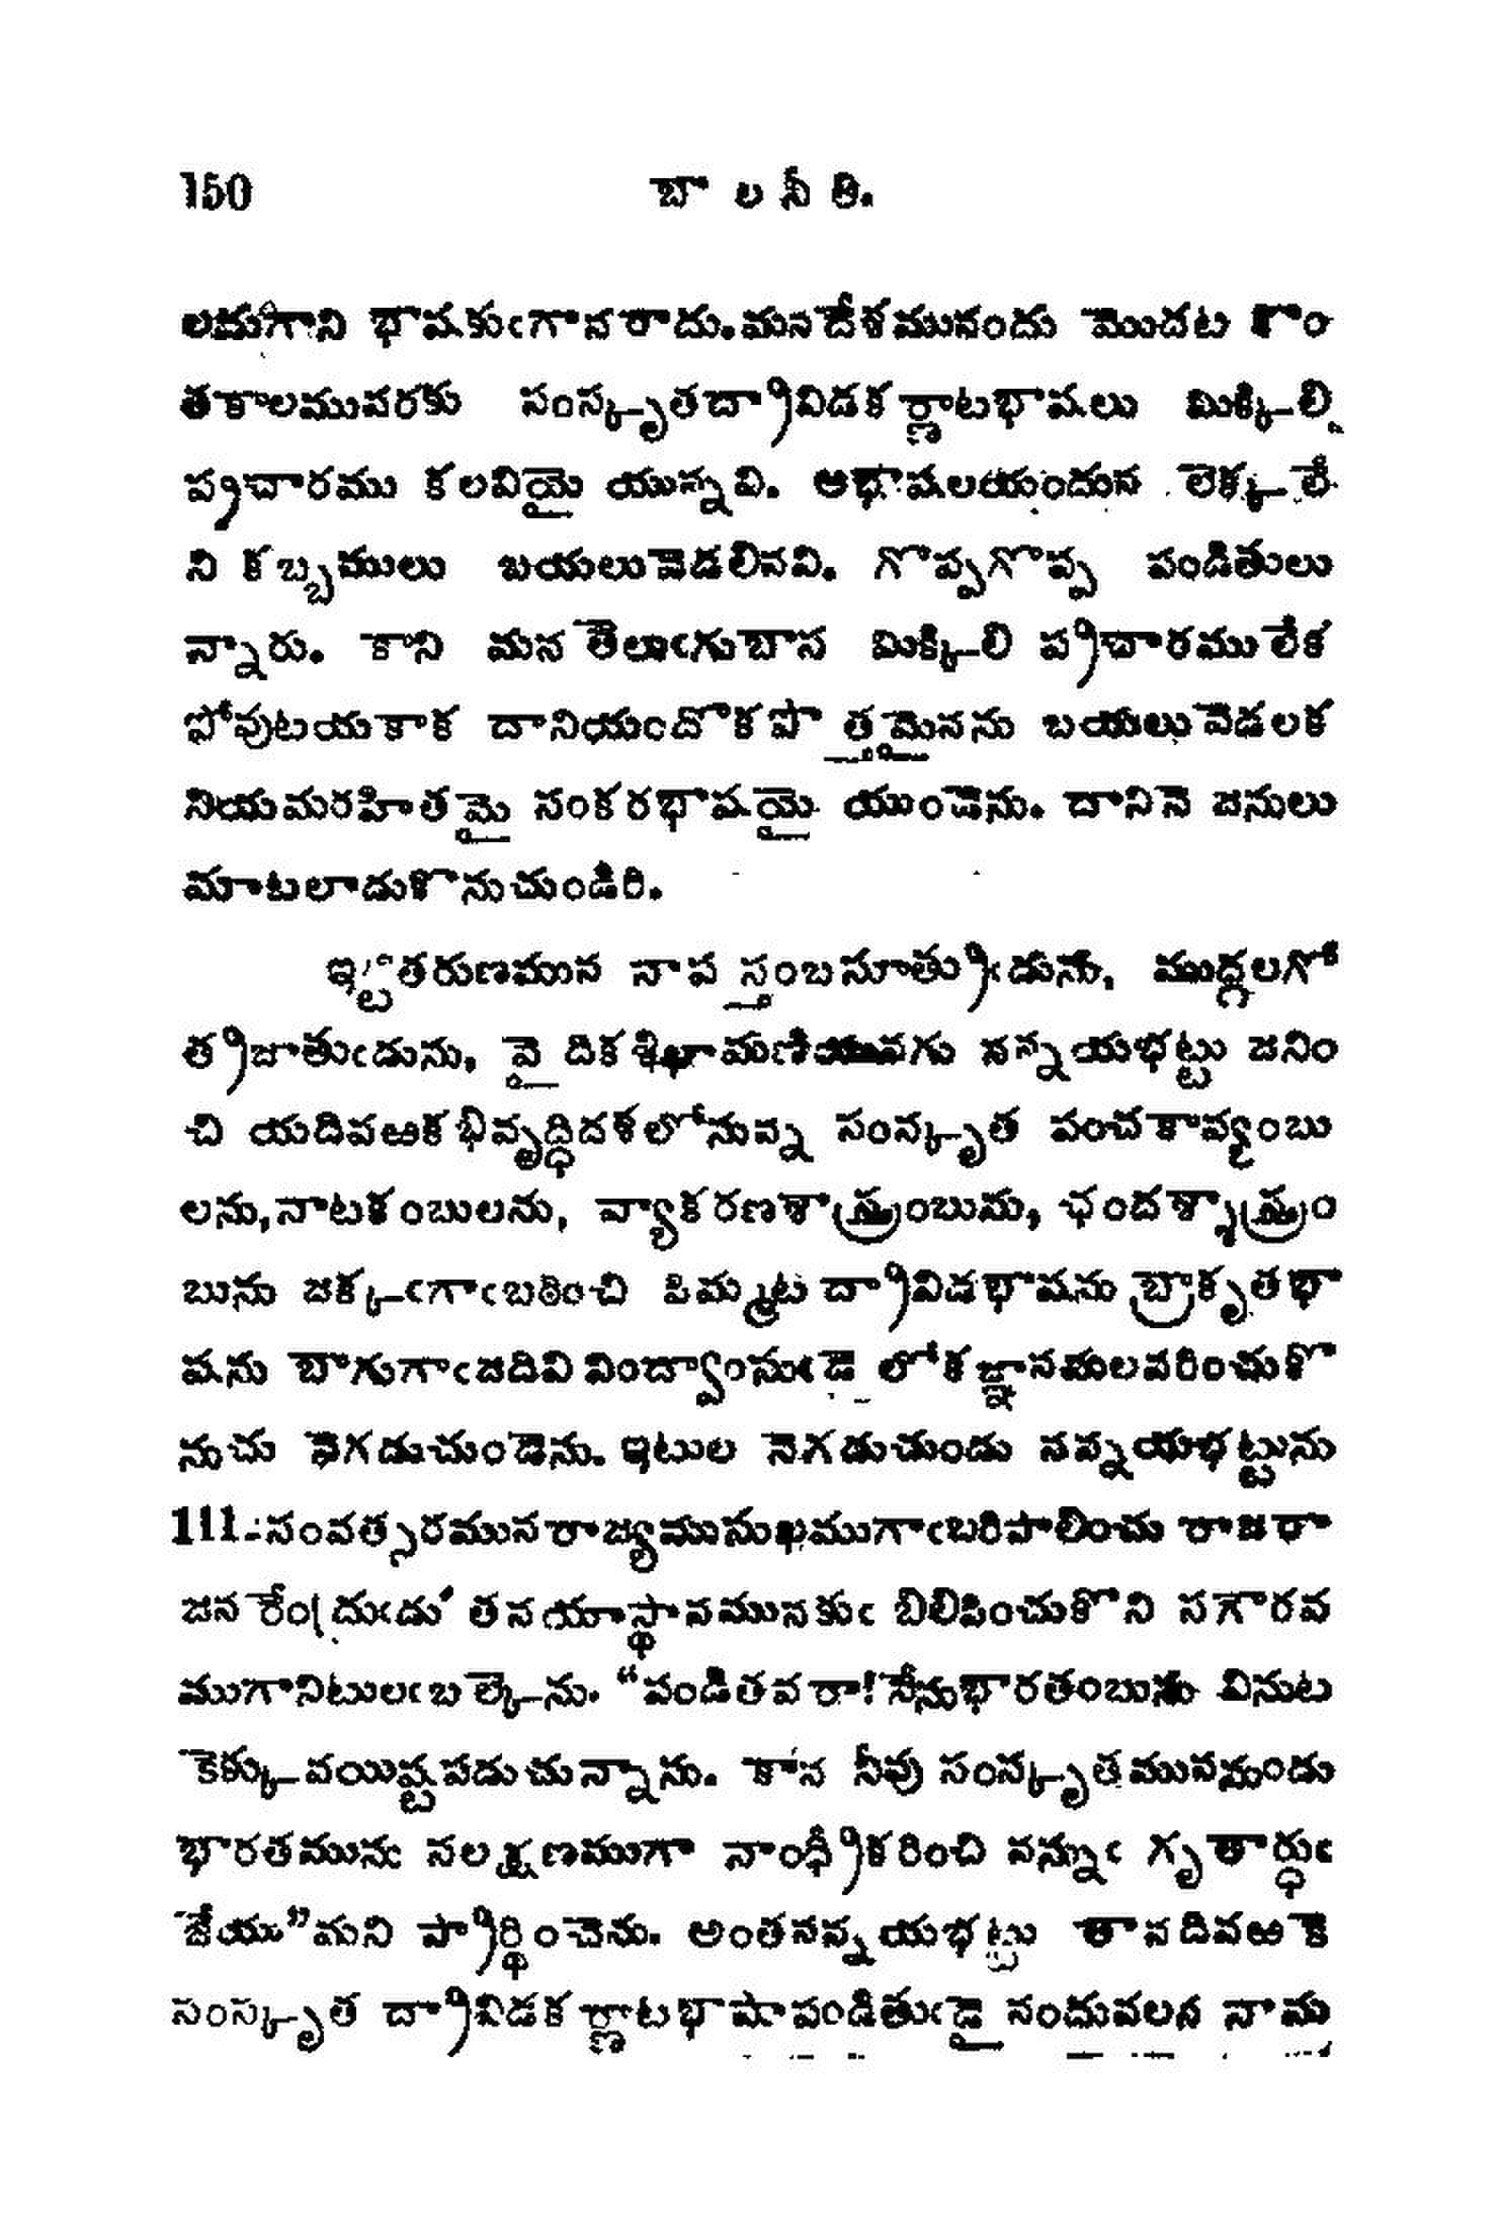లదుగాని భాషకుఁగానరాదు. మనదేశమునందు మొదట కొం
తకాలమువరకు సంస్కృతద్రావిడకర్ణాటభాషలు మిక్కిలి 
ప్రచారము కలవియై యున్నవి. ఆభాషలయందున లెక్కలే
ని కబ్బములు బయలువెడలినవి. గొప్పగొప్ప పండితులు
న్నారు. కాని మన తెలుఁగుబాస మిక్కిలి ప్రచారములేక 
పోవుటయకాక దానియందొకపొత్తమైనను బయలువెడలక 
నియమరహితమై సంకరభాషయై యుండెను. దానినె జనులు 
మాటలాడుకొనుచుండిరి.

ఇట్టితరుణమున నాపస్తంబసూత్రుఁడును, ముద్గలగో
త్రజాతుఁడును, వైదికశిఖామణియునగు నన్నయభట్టు జనిం
చి యదివఱకభివృద్ధిదశలోనున్న సంస్కృత పంచకావ్యంబు
లను, నాటకంబులను, వ్యాకరణశాస్త్రంబును, ఛందశ్శాస్త్రం
బును జక్కఁగాఁబఠించి పిమ్మట ద్రావిడభాషను బ్రాకృతభా
షను బాగుగాఁజదివి విద్వాంసుఁడై లోకజ్ఞానమలవరించుకొ
నుచు నెగడుచుండెను. ఇటుల నెగడుచుండు నన్నయభట్టును 
1112 సంవత్సరమున రాజ్యము సుఖముగాఁబరిపాలించు రాజరా
జనరేంద్రుఁడు తనయాస్థానమునకుఁ బిలిపించుకొని సగౌరవ
ముగా నిటులఁబల్కెను. "పండితవరా! నేనుభారతంబును వినుట 
కెక్కువయిష్టపడుచున్నాను. కాన నీవు సంస్కృతముననుండు 
భారతమును సలక్షణముగా నాంధ్రీకరించి నన్నుఁ గృతార్ధుఁ 
జేయు" మని ప్రార్థించెను. అంతనన్నయభట్టు తానదివఱకె 
సంస్కృత ద్రావిడకర్ణాటభాషాపండితుఁడై నందువలన నామ